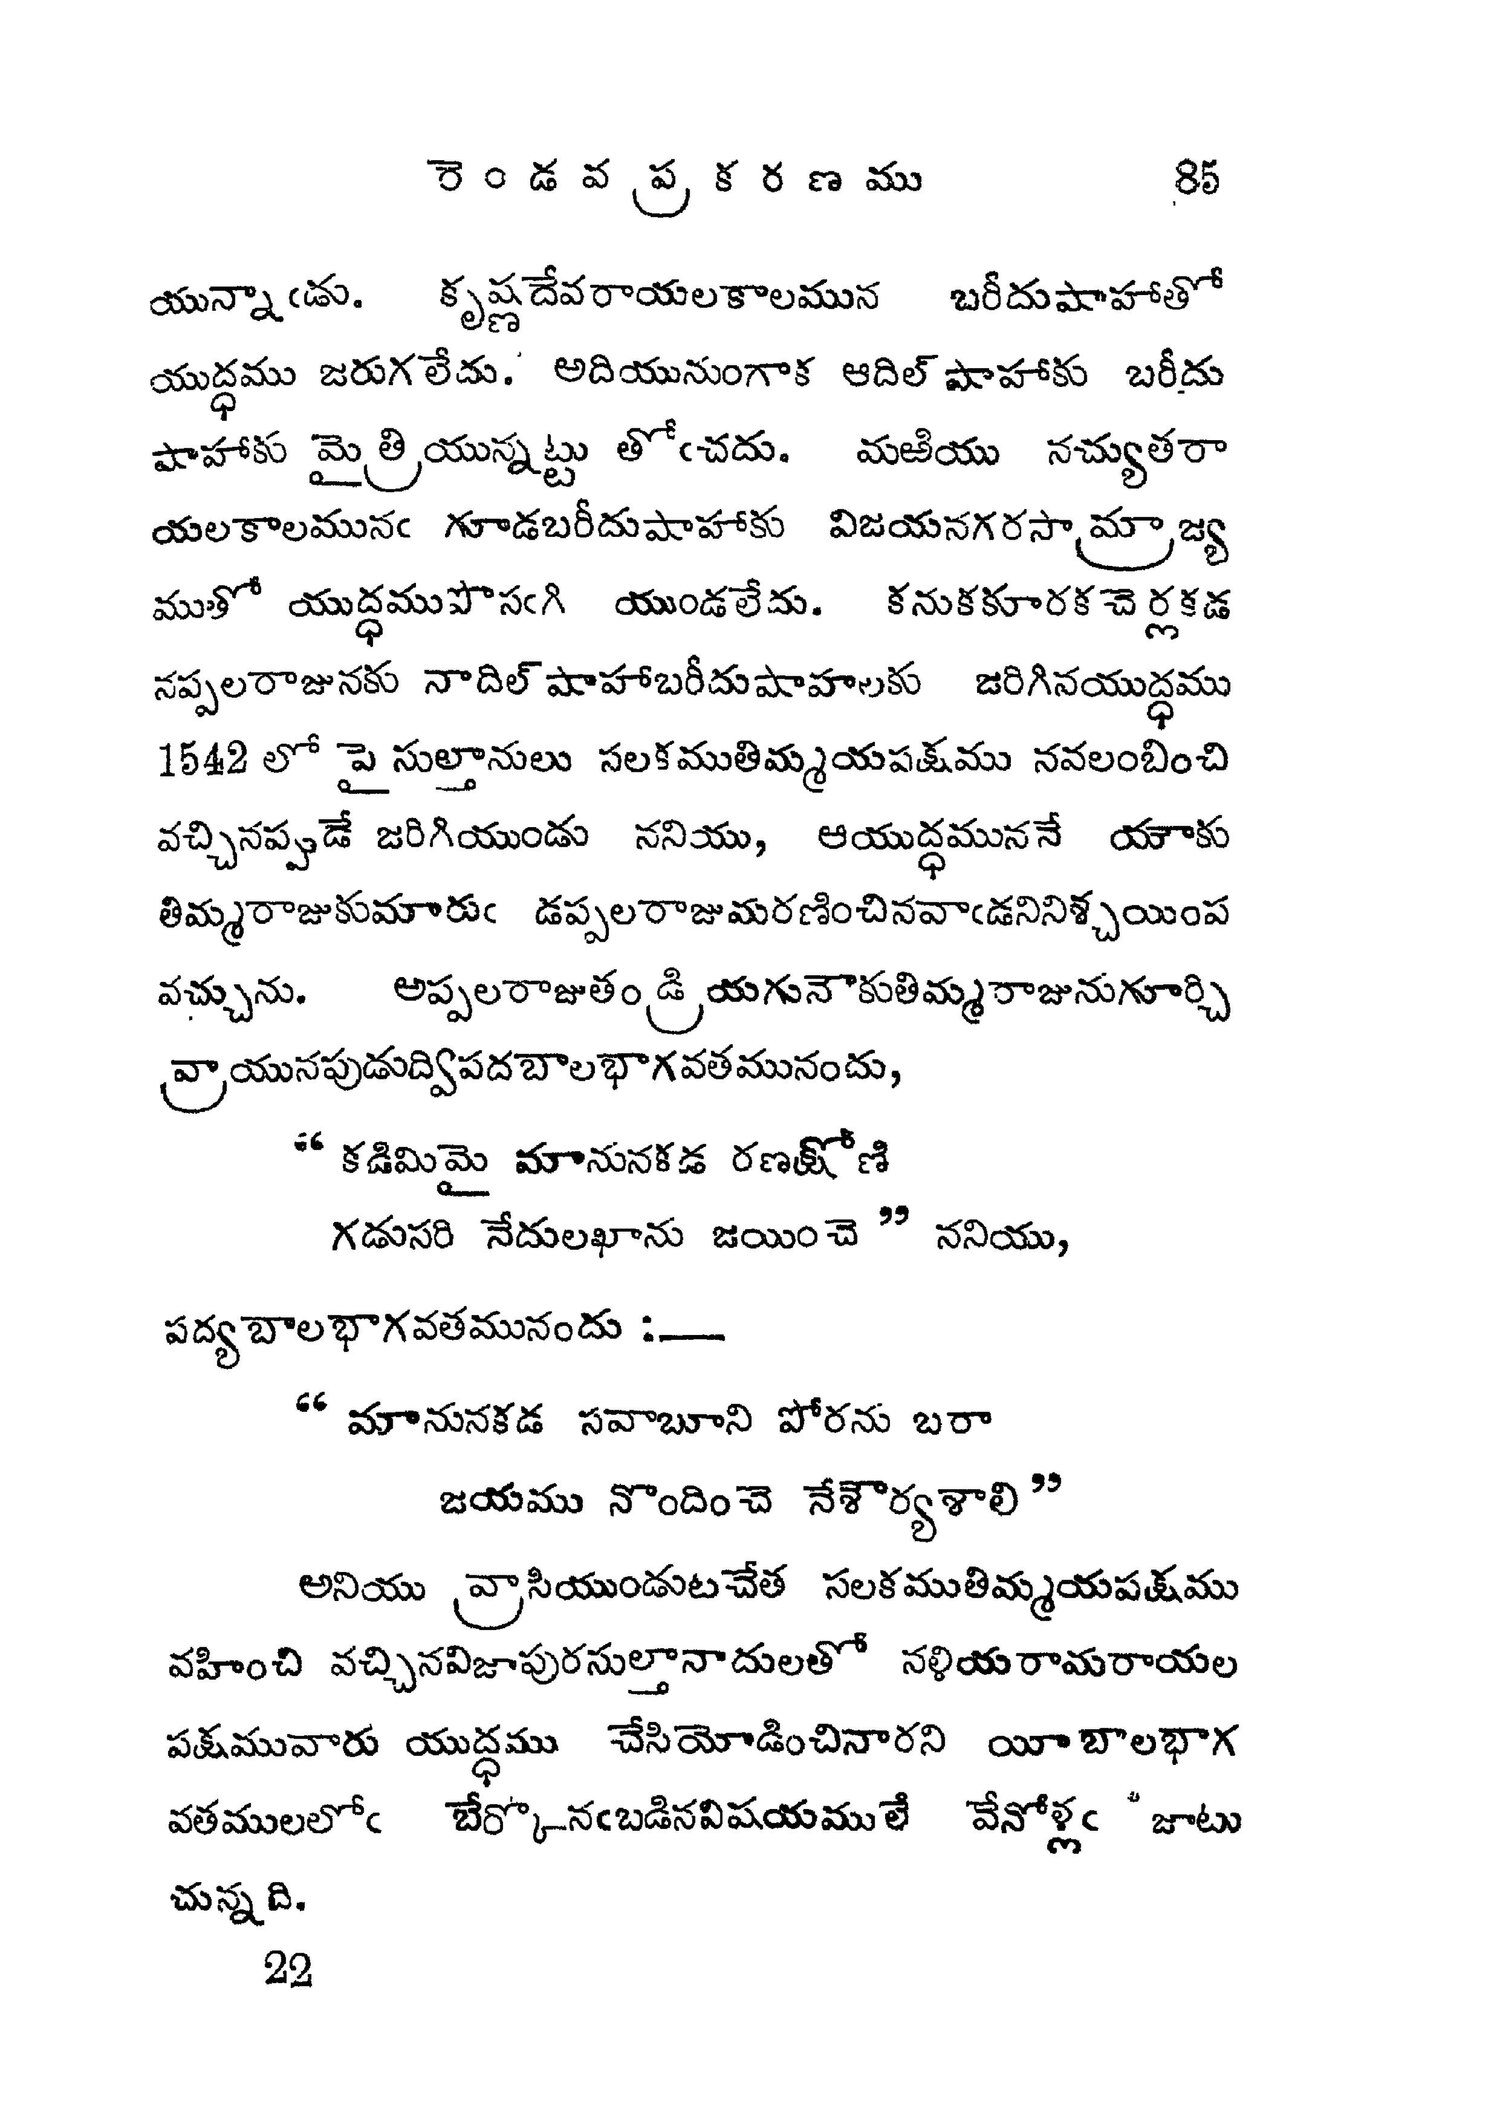యున్నాడు. కృష్ణదేవరాయలకాలమున బరీదుషాహాతో యుద్ధము జరుగలేదు. అదియునుంగాక ఆదిల్ షాహాకు బరీదుషాహాకు మైత్రియున్నట్టు తోచదు. మఱియు నచ్యుతరాయలకాలమున గూడ బరీదుషాహాకు విజయనగరసామ్రాజ్యముతో యుద్ధముపొసగి యుండలేదు. కనుకకూరకచెర్లకడ నప్పలరాజునకు నాదిల్‌షాహాబరీదుషాహలకు జరిగినయుద్ధము 1542 లో పైసుల్తానులు సలకముతిమ్మయపక్షము నవలంబించి వచ్చినప్పుడే జరిగియుండు ననియు, ఆయుద్ధముననే యౌకు తిమ్మరాజుకుమారు డప్పలరాజుమరణించినవాడనినిశ్చయింప వచ్చును. అప్పలరాజుతండ్రియగు నౌకుతిమ్మరాజునుగూర్చి వ్రాయునపుడుద్విపదబాలభాగవతమునందు,

 "కడిమిమై మానునకడ రణక్షోణి
 గడుసరి నేదులఖాను జయించె"ననియు,

పద్యబాలభాగవతమునందు:-

 "మానునకడ సవాబూని పోరను బరా
 జయము నొందించె నేశౌర్యశాలి"

అనియు వ్రాసియుండుటచేత సలకముతిమ్మయపక్షము వహించి వచ్చినవిజాపుర సుల్తానాదులతో నళియరామరాయల పక్షమువారు యుద్ధము చేసియోడించినారని యీబాలభాగవతములలో బేర్కొనబడినవిషయములే వేనోళ్ల జాటుచున్నది.